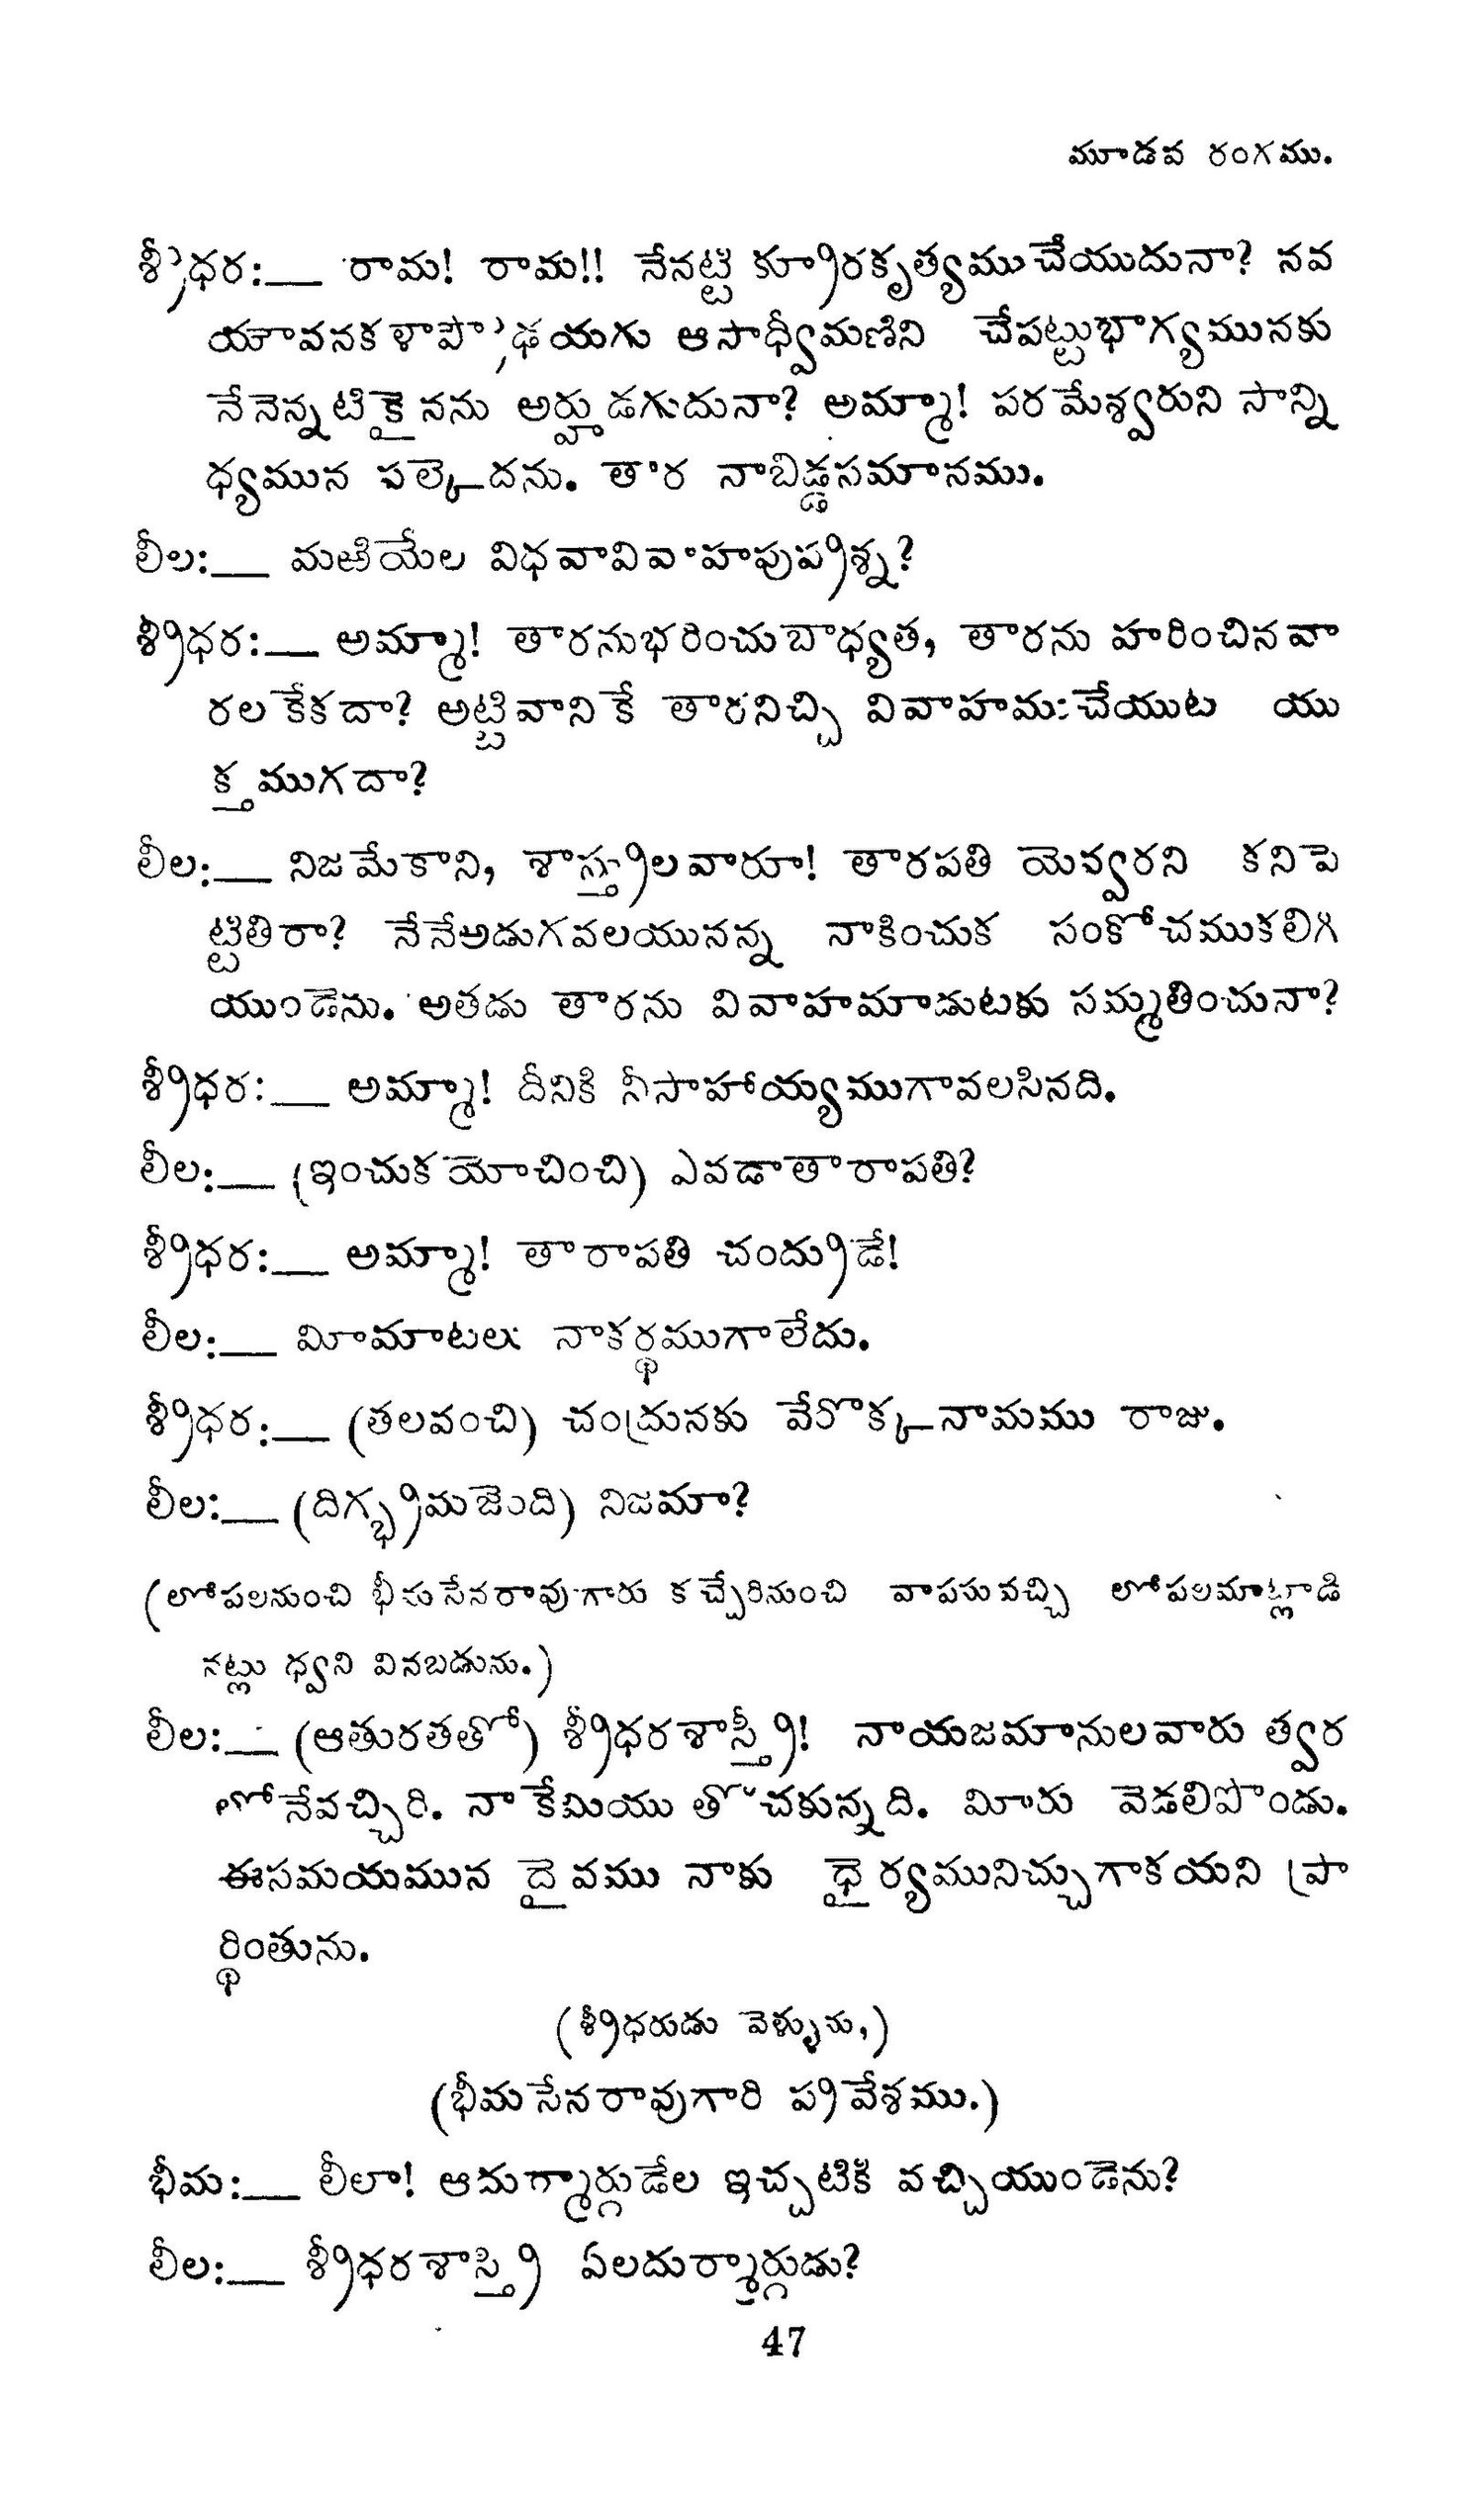శ్రీధర:- రామ! రామ!! నేనట్టి క్రూర కృత్యము చేయుదునా? నవయౌవన కళా ప్రౌఢయగు ఆసాద్వీమణిని చేపట్టు భాగ్యమునకు నేనెన్నటి కైనను అర్హుడగుదునా? అమ్మా! పరమేశ్వరుని సాన్నిధ్యమున పల్కెదను. తార నాబిడ్డ సమానము.

లీల:-మఱియేల విధవావివహపుప్రశ్న?

శ్రీధర:- అమ్మా! తారను భరించు బాధ్యత, తారను హరించిన వారలకదా? అట్టివానికే తారనిచ్చి వివాహము చేయుట యుక్తముగదా?

లీల:-నిజమేకాని, శాస్త్రులవారూ! తారపతి యెవ్వరని కనిపెట్టితిరా? నేనే అడుగవలయునన్న నాకించుక సంకోచముకలిగి యుండెను. అతడు తారను వివాహమాడుటకు సమ్మతించునా?

శ్రీధర;- అమ్మా దీనికి నీసహాయ్యము గావలసినది.

లీల:-(ఇంచుకయోచించి) ఎవడాతారాపతి?

శ్రీధర:- అమ్మా! తారాపతి చంద్రుడే!

లీల:- మీమాటలు నాకర్ధముకాలేదు.

శ్రీధర:-(తలవంచి) చంద్రునకు వేరొక్కనామము రాజు

లీల:-(దిగ్భ్రజెంది) నిజమా?

(లోపలినుంచి భీమేశ్వరరావుగారు కచ్చేరినుంచి వాపసు వచ్చిలోపల మాట్లాడినట్లు ధ్వని వినబడును)

లీల:- (ఆతురతతో) శ్రీధరశాస్త్రి! నాయజమానుల వారు త్వరలోనే వచ్చిరి.నాకేమియు తోచకున్నది. మీరు వెడలిపొండు. ఈసమయమున దైవము నాకు ధైర్యము నిచ్చుగాక యని ప్రార్ధింతును.

భీమ:-లీలా! ఆదుర్మార్గుడేల ఇచ్చటికి వచ్చియుండెను?

లీల:-శ్రీధరశాస్త్రి ఏలదుర్మార్గుడు?